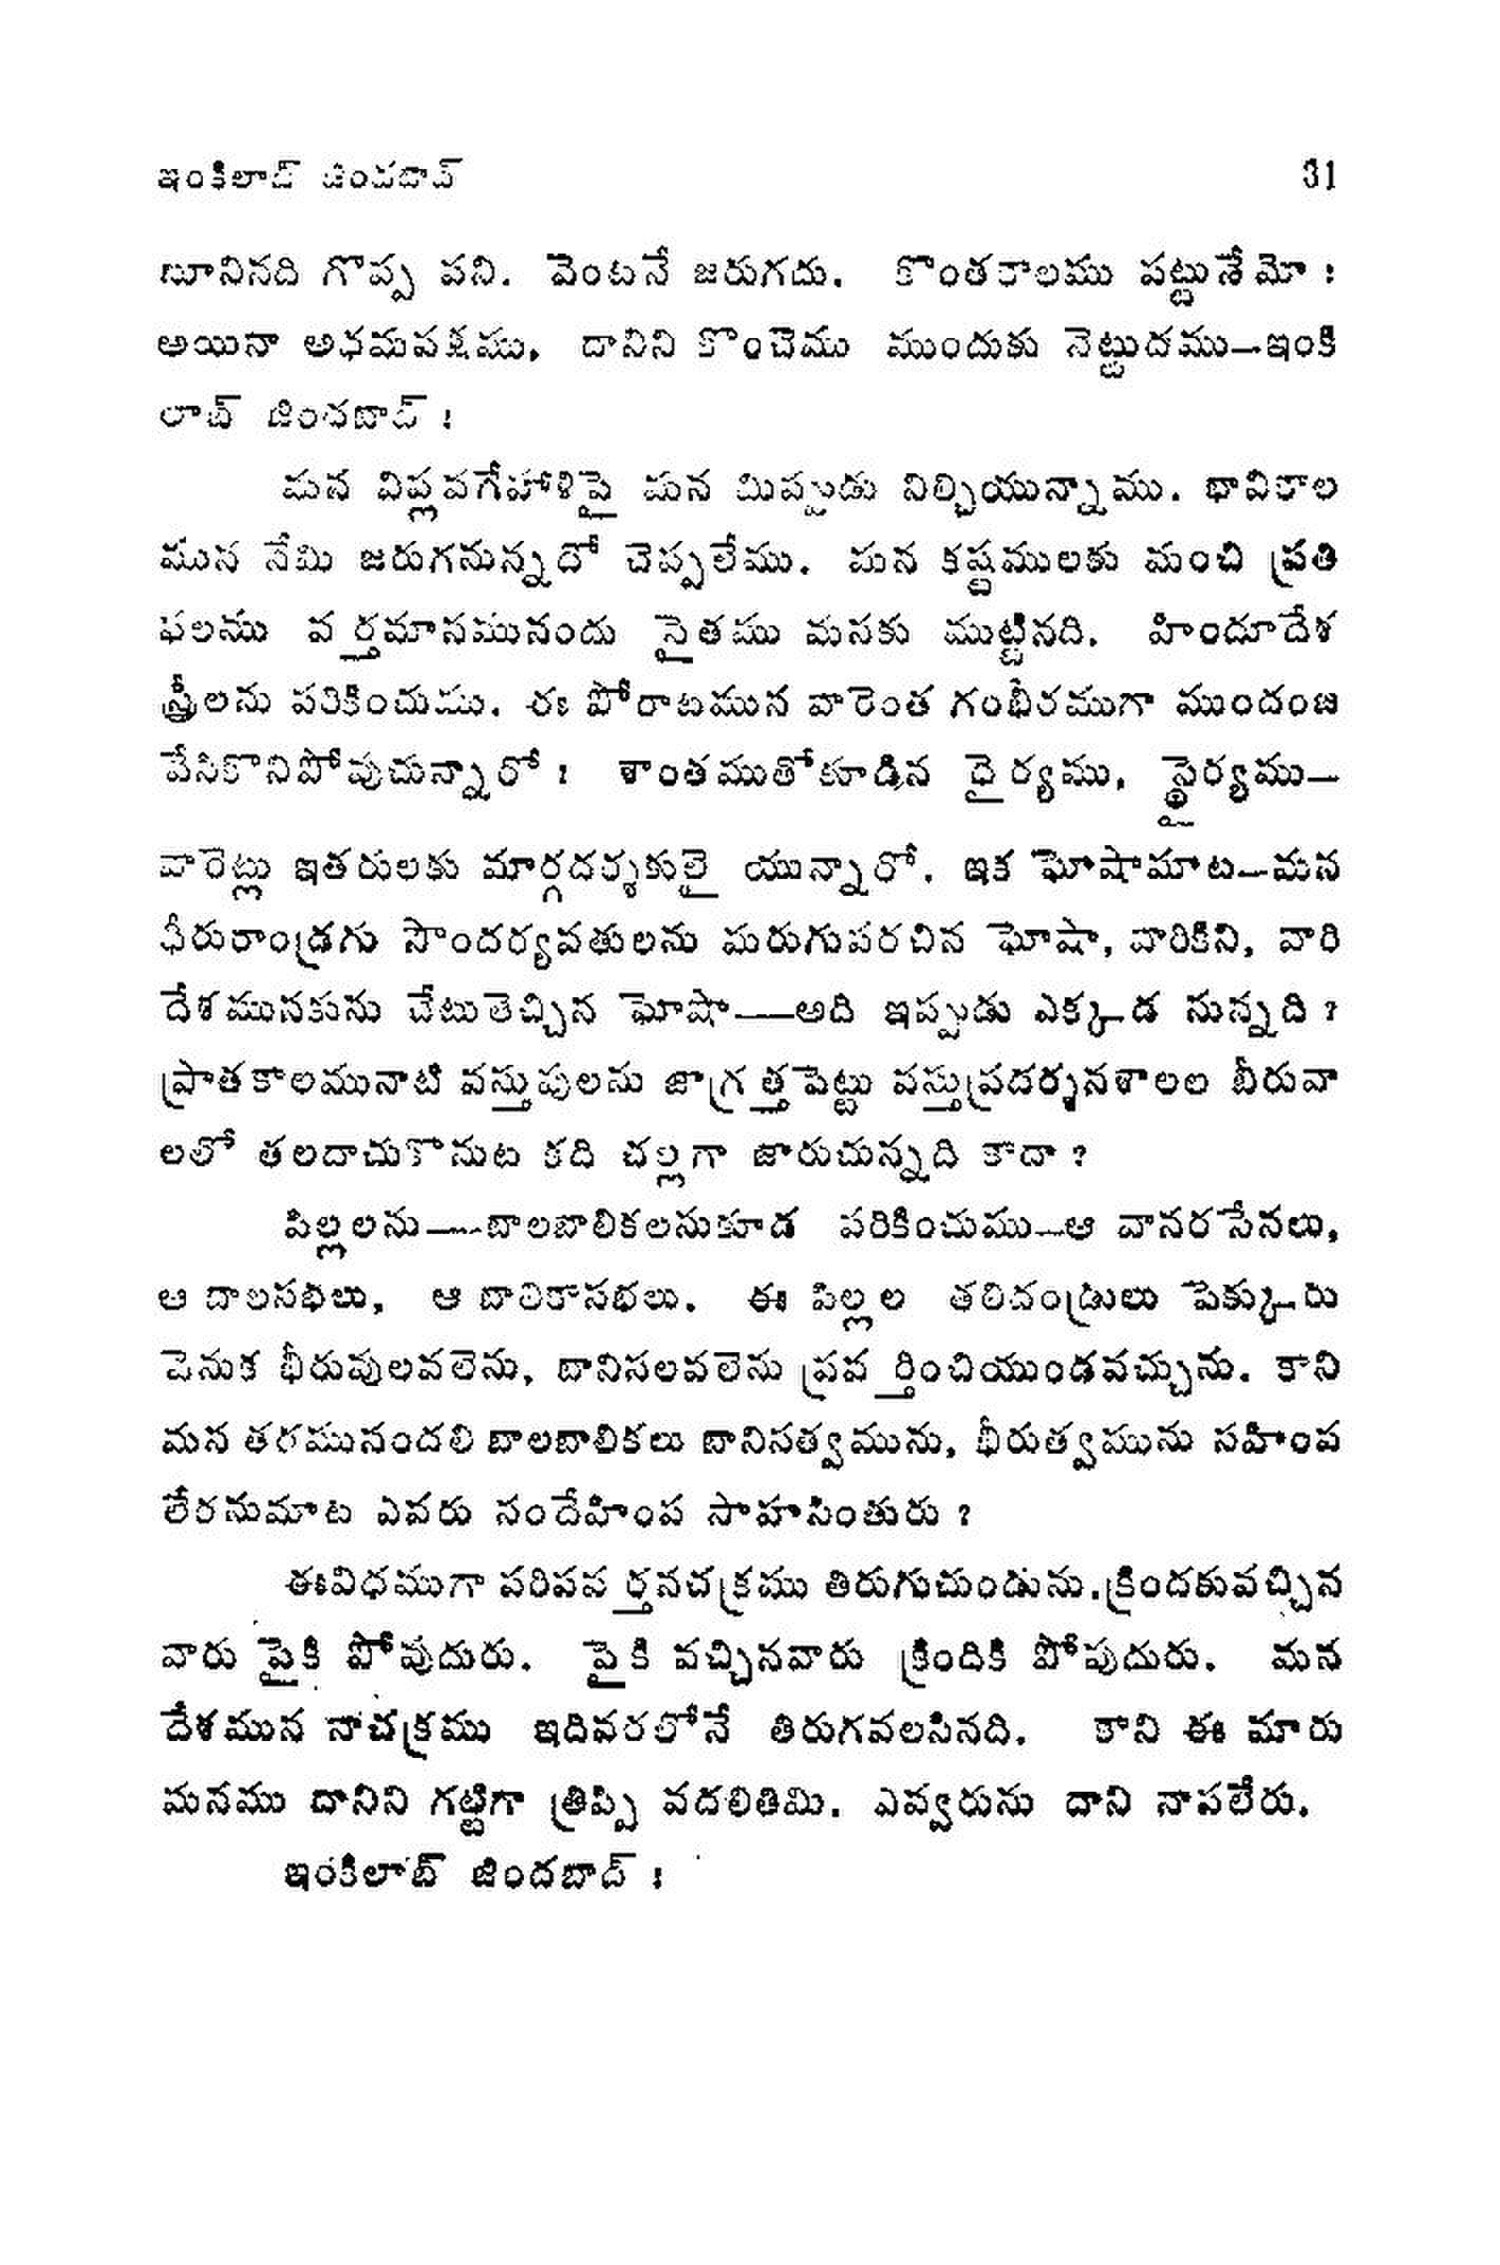బూనినది గొప్ప పని. వెంటనే జరుగదు. కొంతకాలము పట్టునేమో! అయినా అథమపక్షము, దానిని కొంచెము ముందుకు నెట్టుదము-ఇంకిలాబ్ జిందబాద్!

మన విప్లవగేహాళిపై మన మిప్పుడు నిల్చియున్నాము. భావికాలమున నేమి జరుగనున్నదో చెప్పలేము. మన కష్టములకు మంచి ప్రతిఫలము వర్తమానమునందు సైతము మసకు ముట్టినది. హిందూదేశ స్త్రీలను పరికించుము. ఈ పోరాటమున వారెంత గంభీరముగా ముందంజ వేసికొనిపోవుచున్నారో ! శాంతముతో కూడిన ధైర్యము, స్థైర్యము - వారెట్లు ఇతరులకు మార్గదర్శకులై యున్నారో. ఇక ఘోషామాట-మన ధీరురాండ్రగు సౌందర్యవతులను మరుగుపరచిన ఘోషా, వారికిని, వారి దేశమునకును చేటు తెచ్చిన ఘోషా- అది ఇప్పుడు ఎక్కడ నున్నది ? ప్రాతకాలమునాటి వస్తువులను జాగ్రత్త పెట్టు వస్తుప్రదర్శనశాలల బీరువాలలో తలదాచుకొనుట కది చల్లగా జారుచున్నది కాదా ?

పిల్లలను - బాలబాలికలనుకూడ పరికించుము - ఆ వానర సేనలు, ఆ బాలసభలు, ఆ బాలికాసభలు. ఈ పిల్లల తల్లిదండ్రులు పెక్కురు వెనుక భీరువులవలెను, బానిసలవలెను ప్రవర్తించియుండవచ్చును. కాని మన తరమునందలి బాలబాలికలు బానిసత్వమును, భీరుత్వమును సహింప లేరనుమాట ఎవరు సందేహింప సాహసింతురు ?

ఈవిధముగా పరిపవర్తనచక్రము తిరుగుచుండును. క్రిందకువచ్చిన వారు పైకి పోవుదురు. పైకి వచ్చినవారు క్రిందికి పోపుదురు. మన దేశమున నాచక్రము ఇదివరలోనే తిరుగవలసినది. కాని ఈ మారు మనము దానిని గట్టిగా త్రిప్పి వదలితిమి. ఎవ్వరును దాని నాపలేరు.

ఇంకిలాబ్ జిందబాద్ !